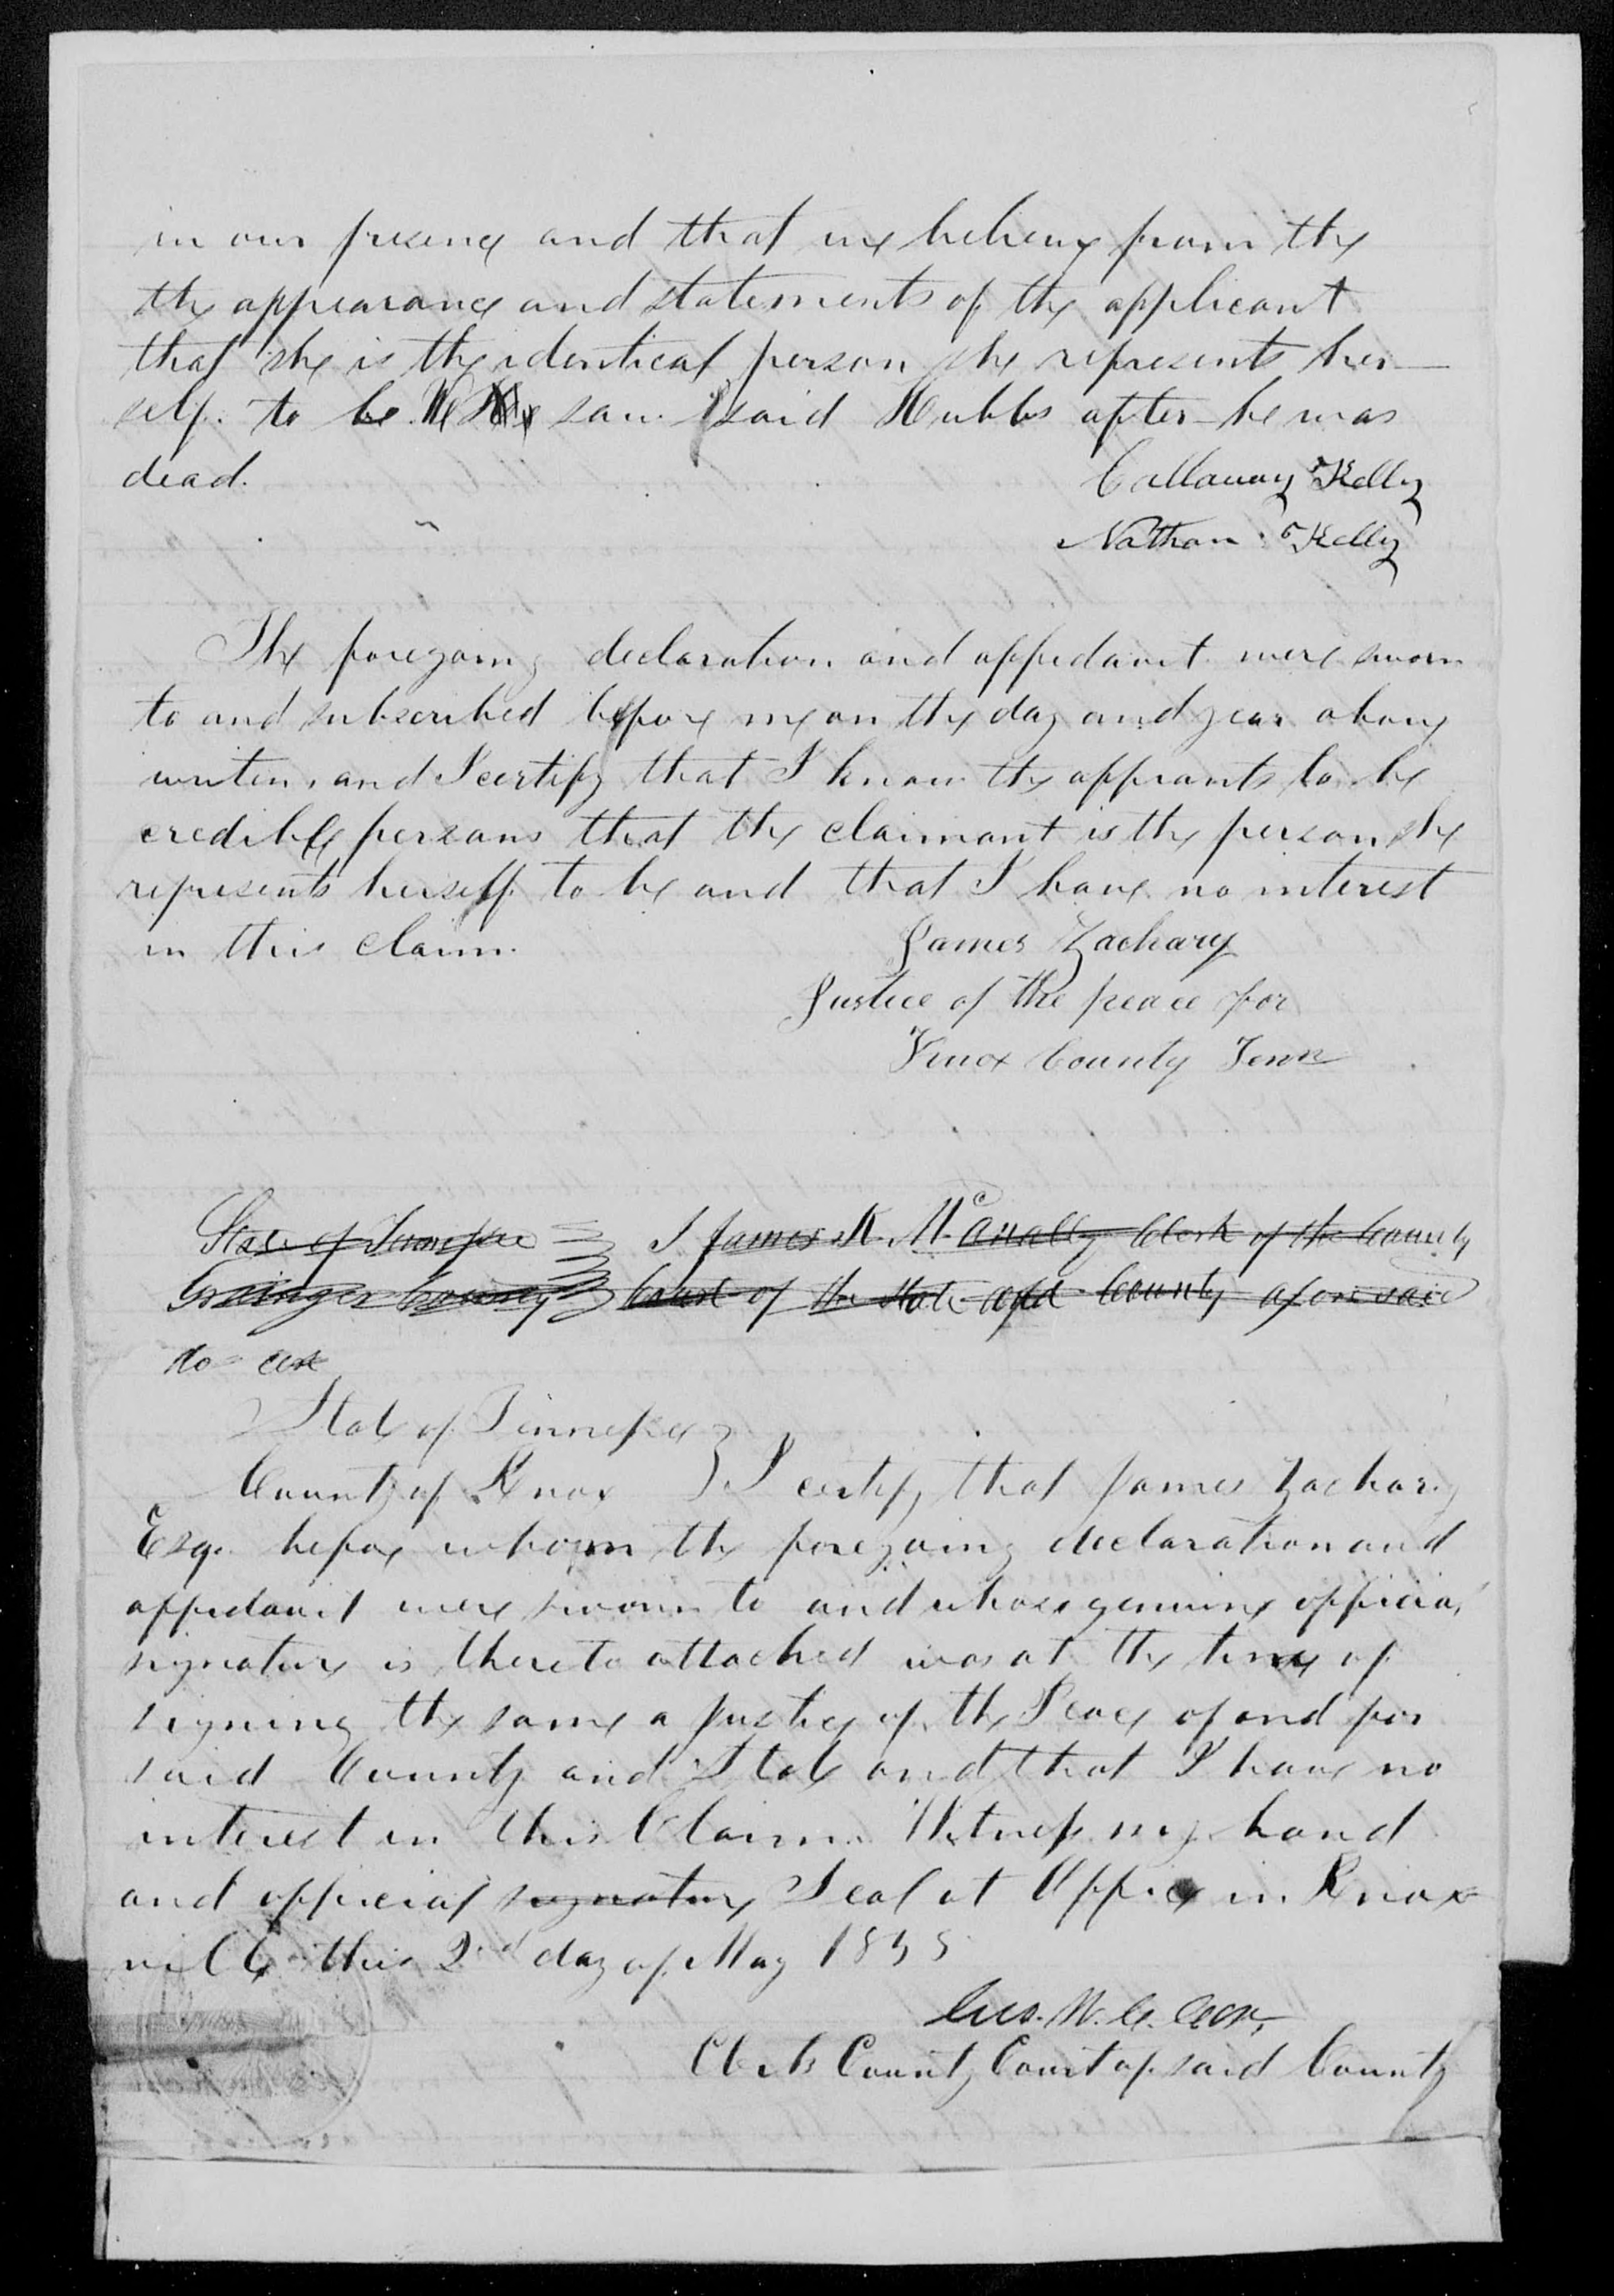in our presence and that we believe from the
the appearance and statements of the applicant that she is the identical person she represents herself to be same said Hubbs after he was dead.
Callaway Kelly
Nathan Kelly

The foregoing declaration and affidavit were sworn to and subscribed before me on the day and year above written, and I certify that I know the affiants to be credible persons that the claimant is the person she represents herself to be and that I have no interest in this claim
James Zachary
Justice of the peace for
Knox County Tenn

(Crossed out - State of Tennessee Grainger County - I James K. McNally Clerk of the County Court of the State and County aforesaid Co Clk)

State of Tennessee
County of Knox 
 I certify that James Zachary Esq. before whom the foregoing declaration and affidavit were sworn to and who is a genuine officiant signature is thereto attached was at the time of signing the same a Justice of the Peace of and for said County and State and that I have no interest in this Claim. Witness my hand
and official signature Seal at Office in Knoxville 
this 2nd day of May 1855.
Geo .N. Glean,
Clerk County Court of said County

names: Callaway Kelly, James K Mc Anally, Hubbs, James Zachary, Nathan Kelly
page: 22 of 86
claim: widow's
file: W. 1035, John Hubbs, S.C.